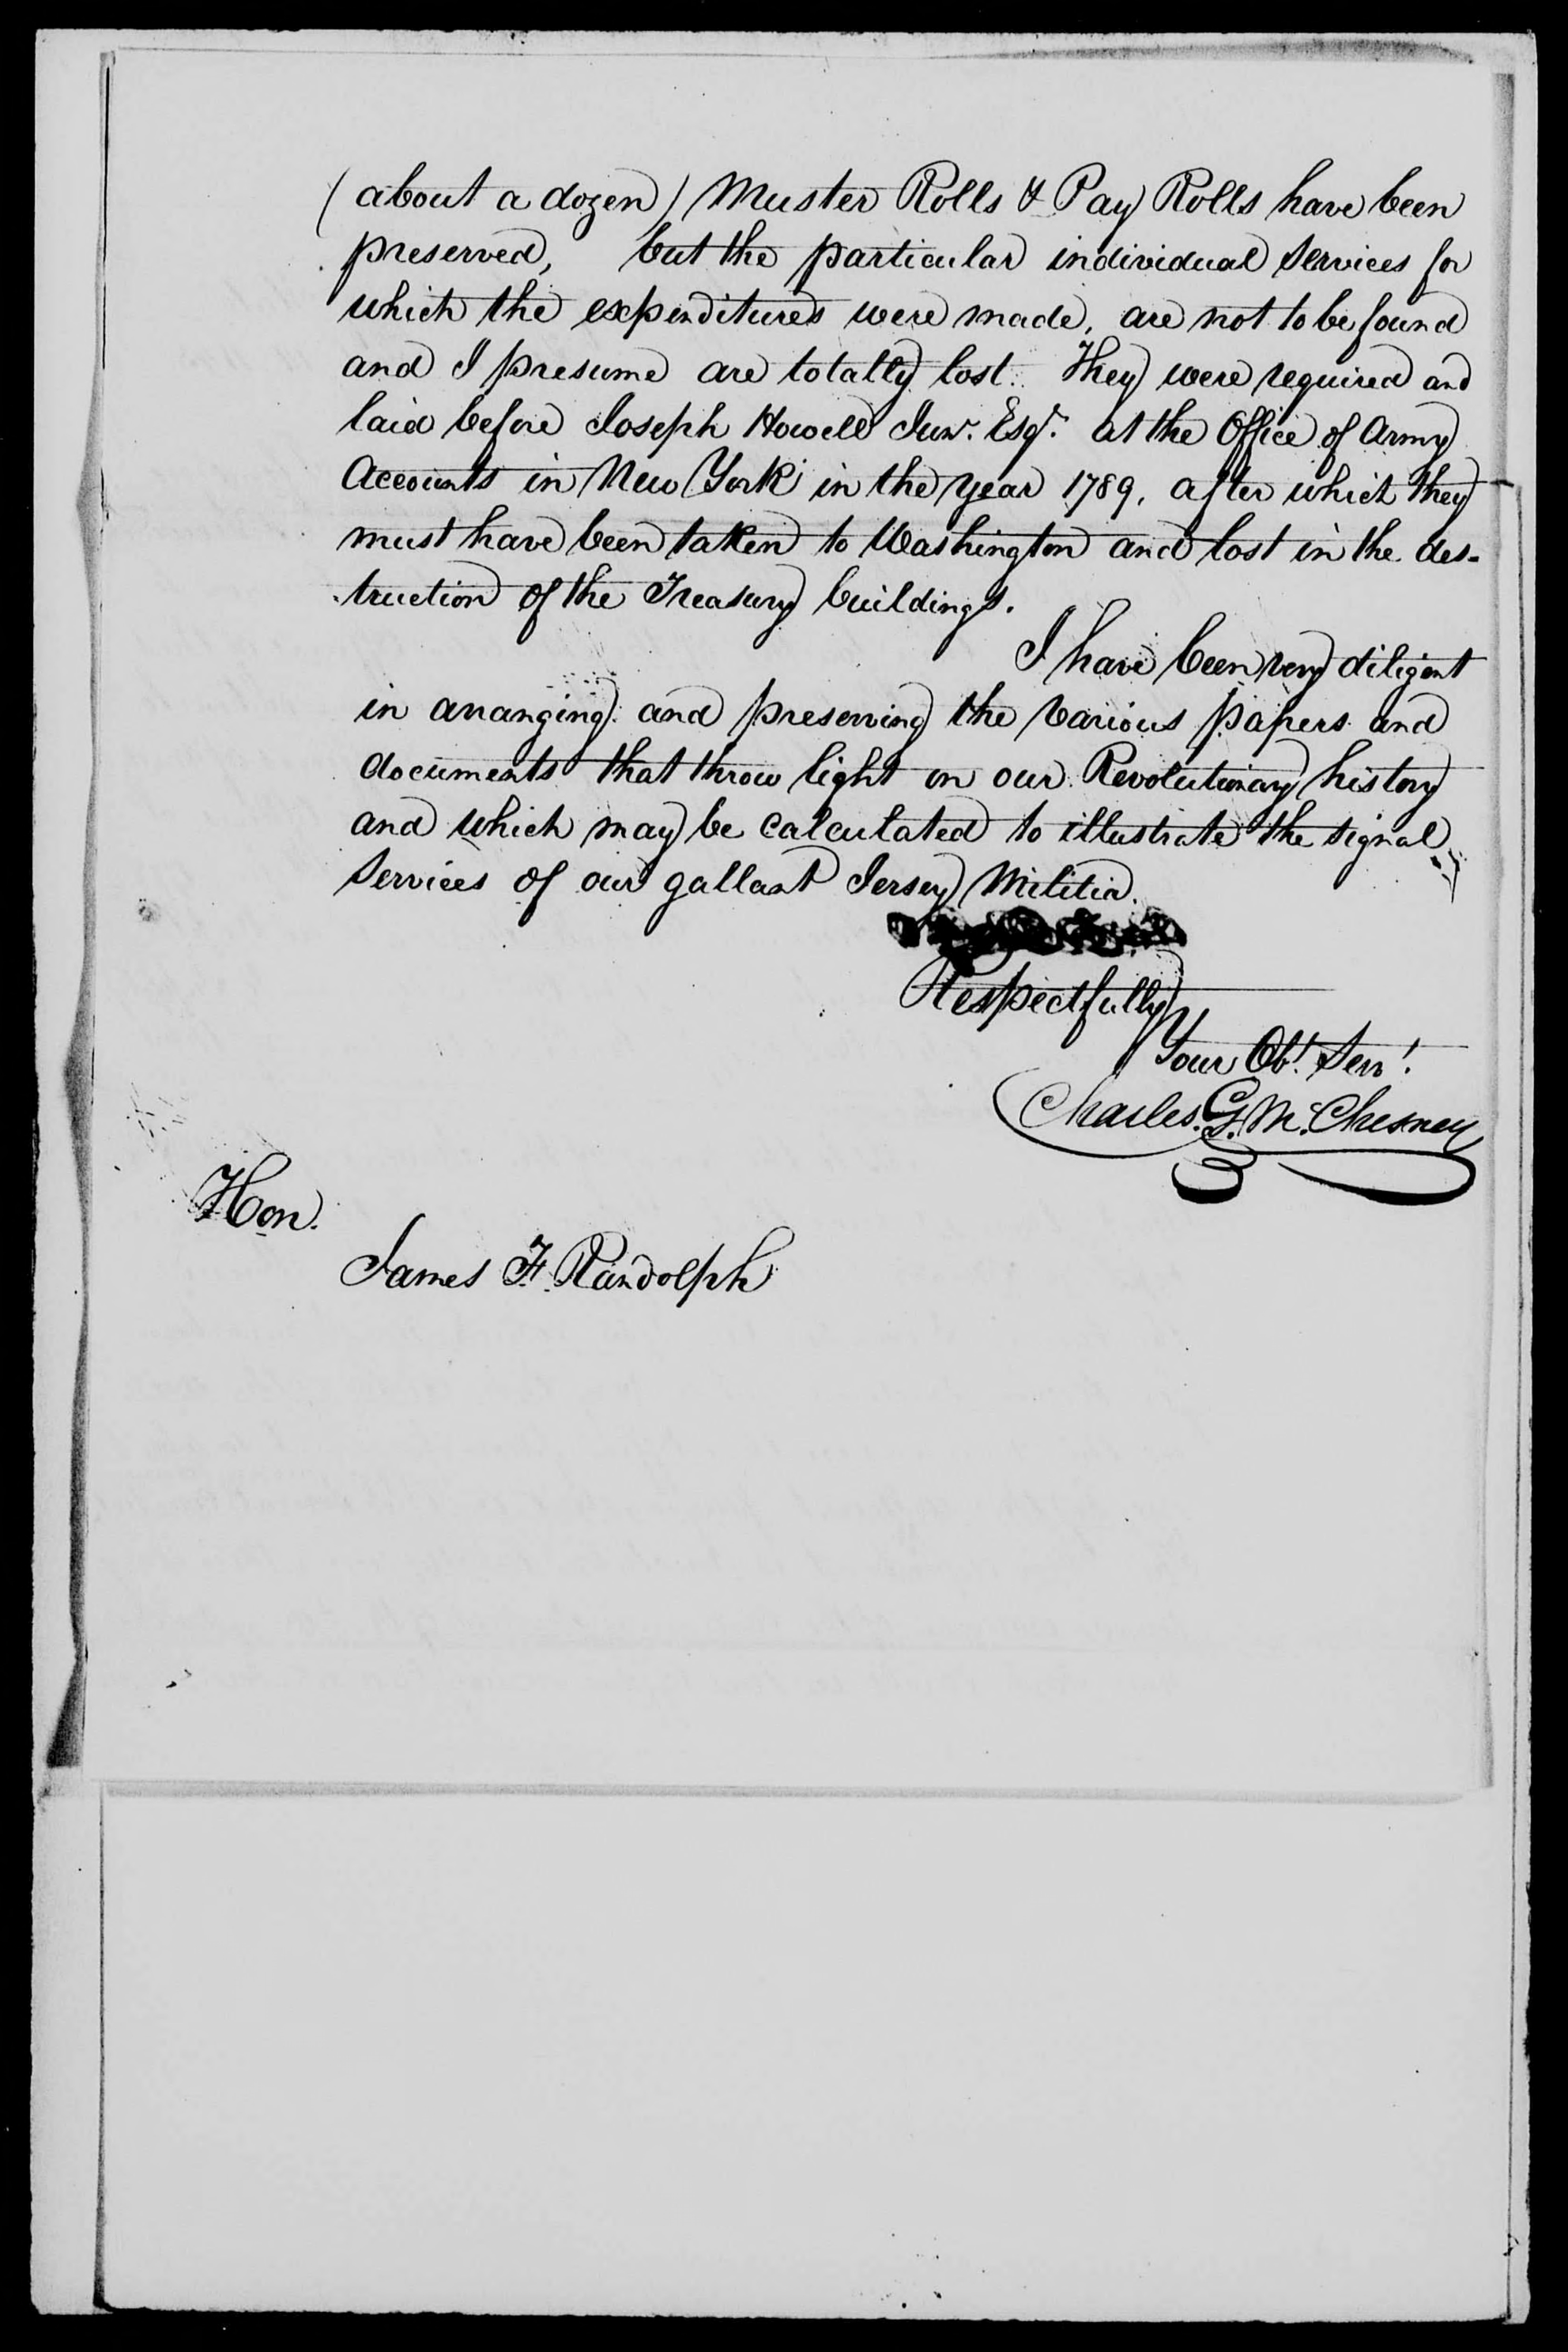(about a dozen) Muster Rolls + Pay Rolls have been preserved, but individual services for which the expenditures were made are not to be found and I presume are totally lost. They were required and laid before Joseph Howell [illeg] Esq. ate the office of Army 
Accounts in New York in the year 1789, after which they must have been taken to Washington and lost in the destruction of the Treasury building.
  I have been very diligent in arranging and preserving the various papers and documents that throw light on our Revolutionary history and which may be calculated to illustrate the signal services of our gallant Jersey militia.
  Respectfully Your Obt. Sert.
Charles G McChesney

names: James F Randolph, Joseph Howell, Charles G Mc Chesney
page: 33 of 77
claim: widow's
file: W. 417, William De Groot, New Jersey